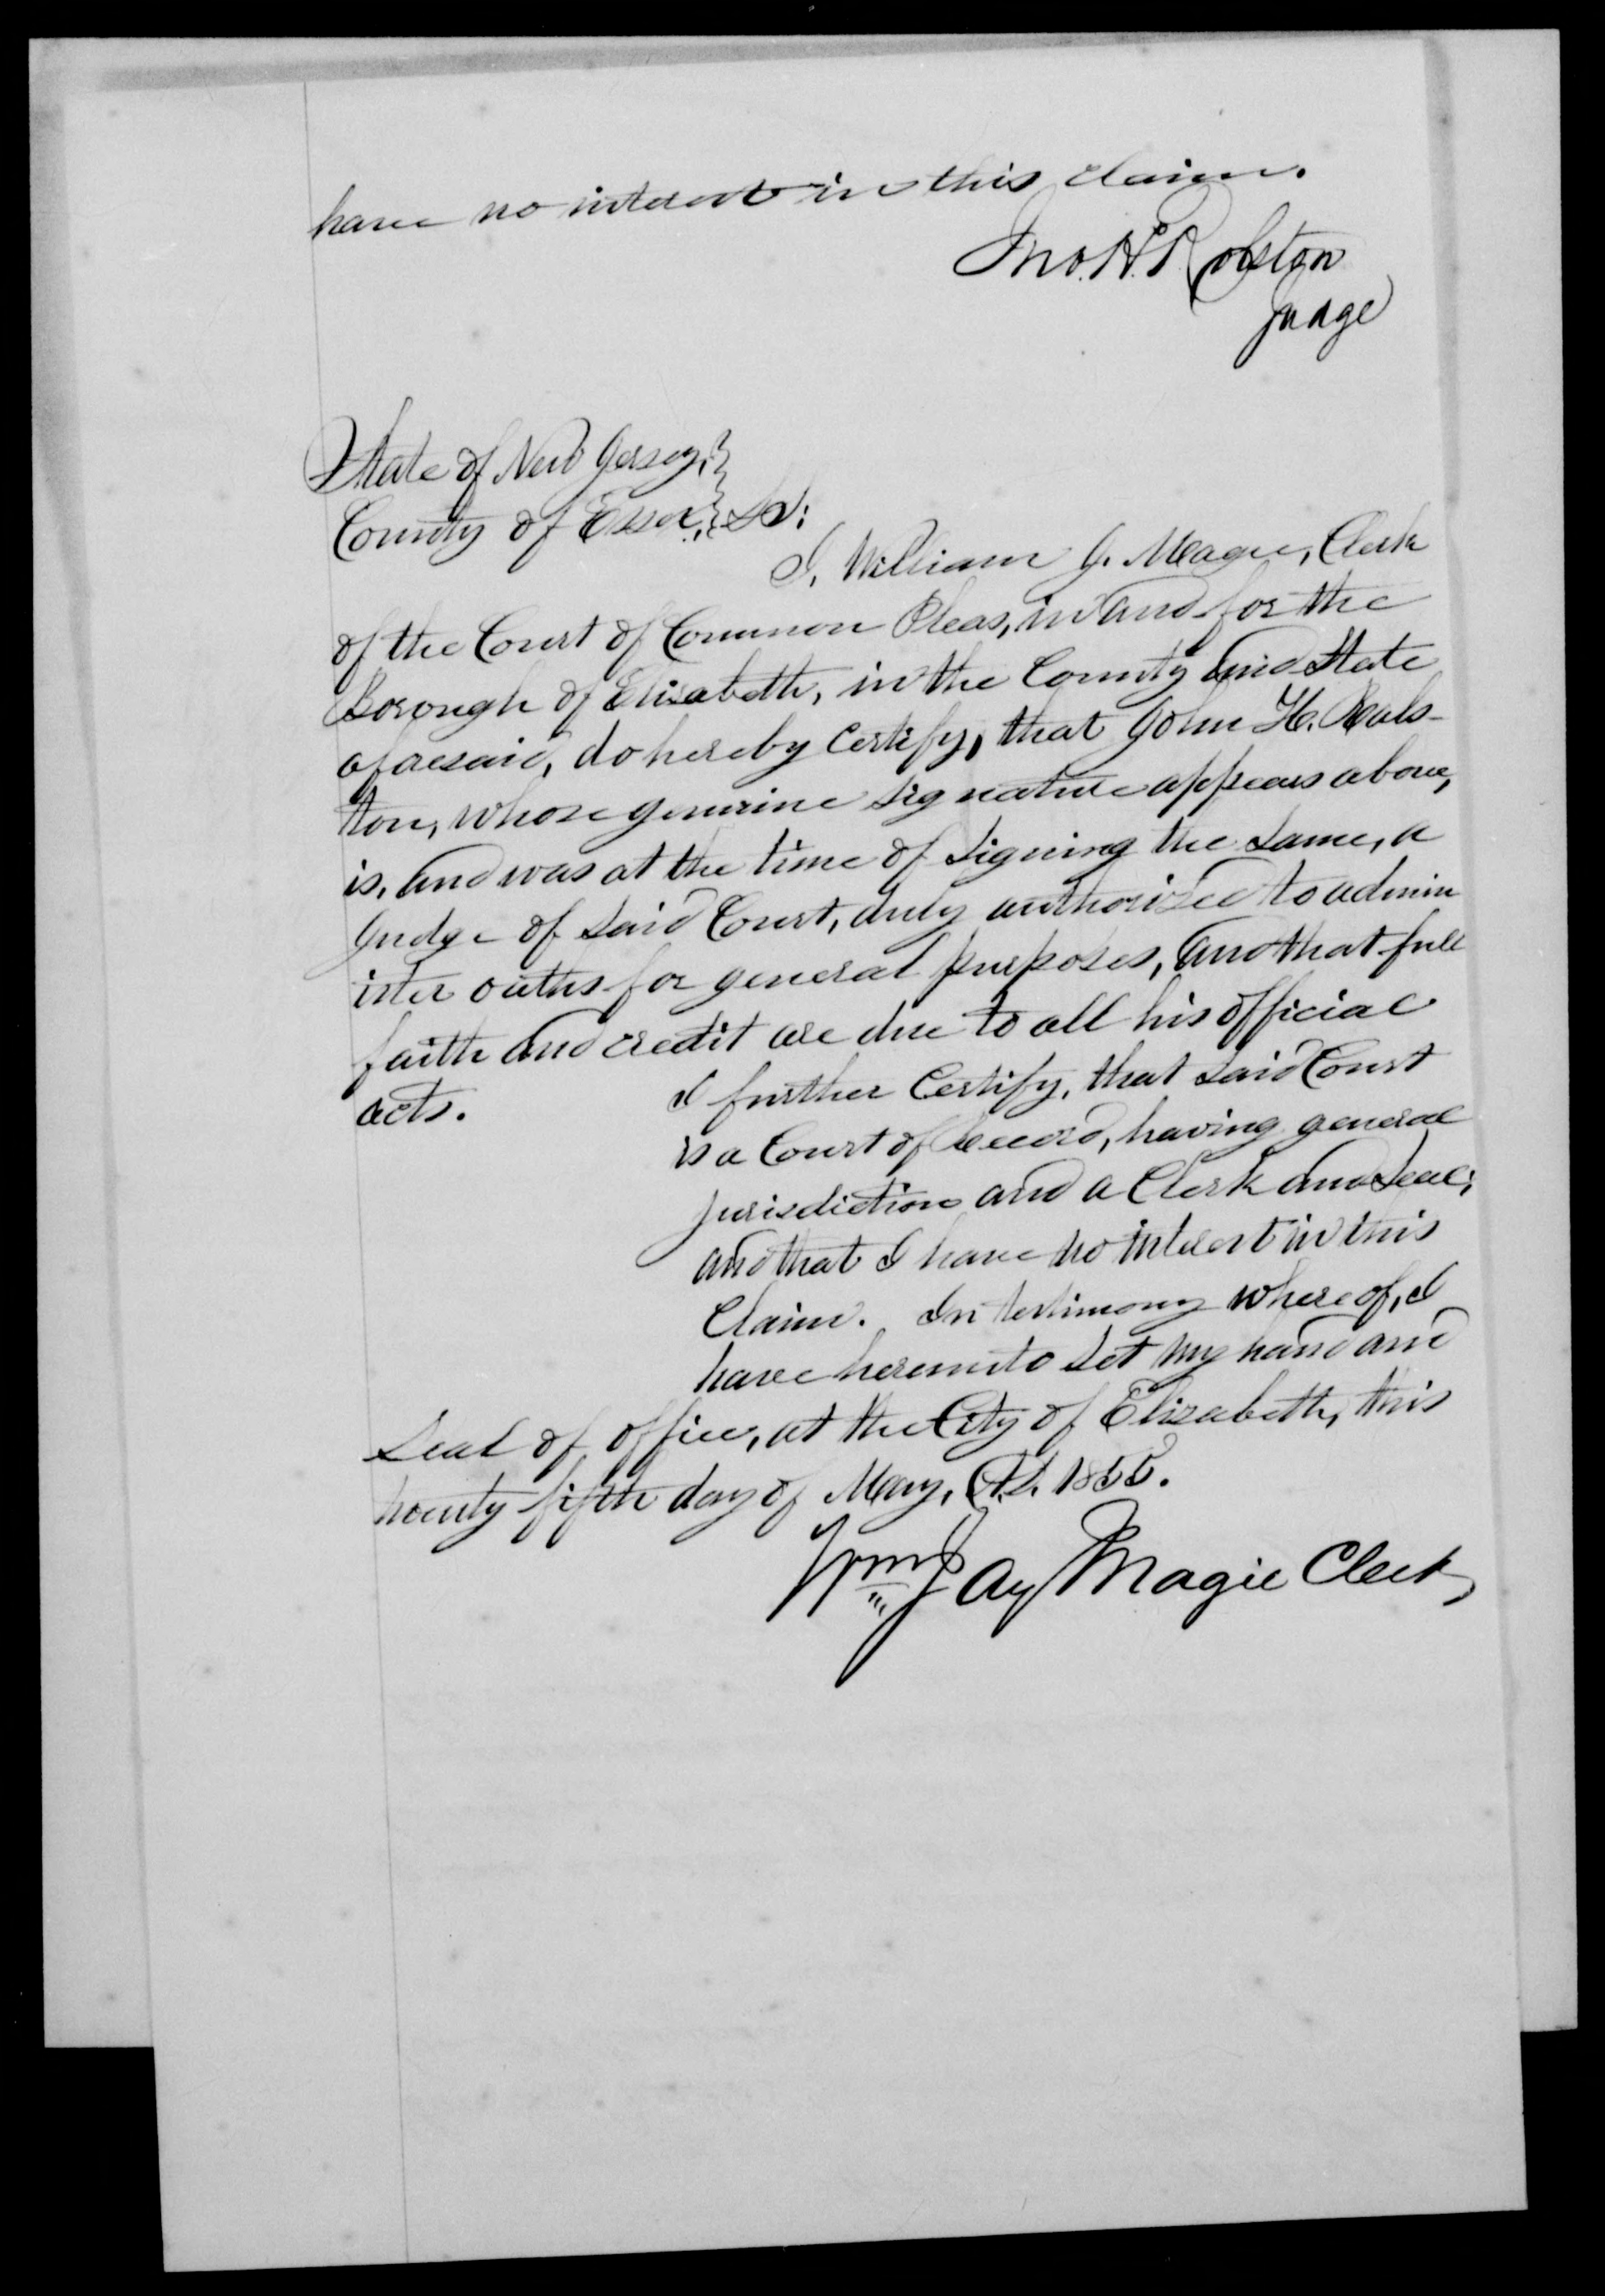have no interest in this claim
Jno. H. Rolston
Judge
State of New Jersey
County of Essex, SS.
I, William J. Magee, Clerk
of the Court of Common Pleas, in and for the
Borough of Elizabeth, in the County and State
aforesaid, do hereby certify, that John H. Rol
ton, whose genuine signature appears above
is and was at the time of Signing the same a
Judge of said Court, duly authorized to admin
ister oaths for general purposes, and that full
faith and credit are due to all his official
acts
I further certify, that said Court
is a Court of Record, having general
Jurisdiction, and a Clerk and seal
and that I have no interest in this
claim. In testimony whereof
have hereunto set my hand and
Seal of office, at the City of Elizabeth his
twenty fifth day of May, A.D. 1865.
William J Magic Clerk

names: Wm Jay Magic; John H Rolston; William J Magic; Jno H Rolston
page: 11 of 65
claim: widow's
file: W. 7197, for Jonathan Spear, Vermont